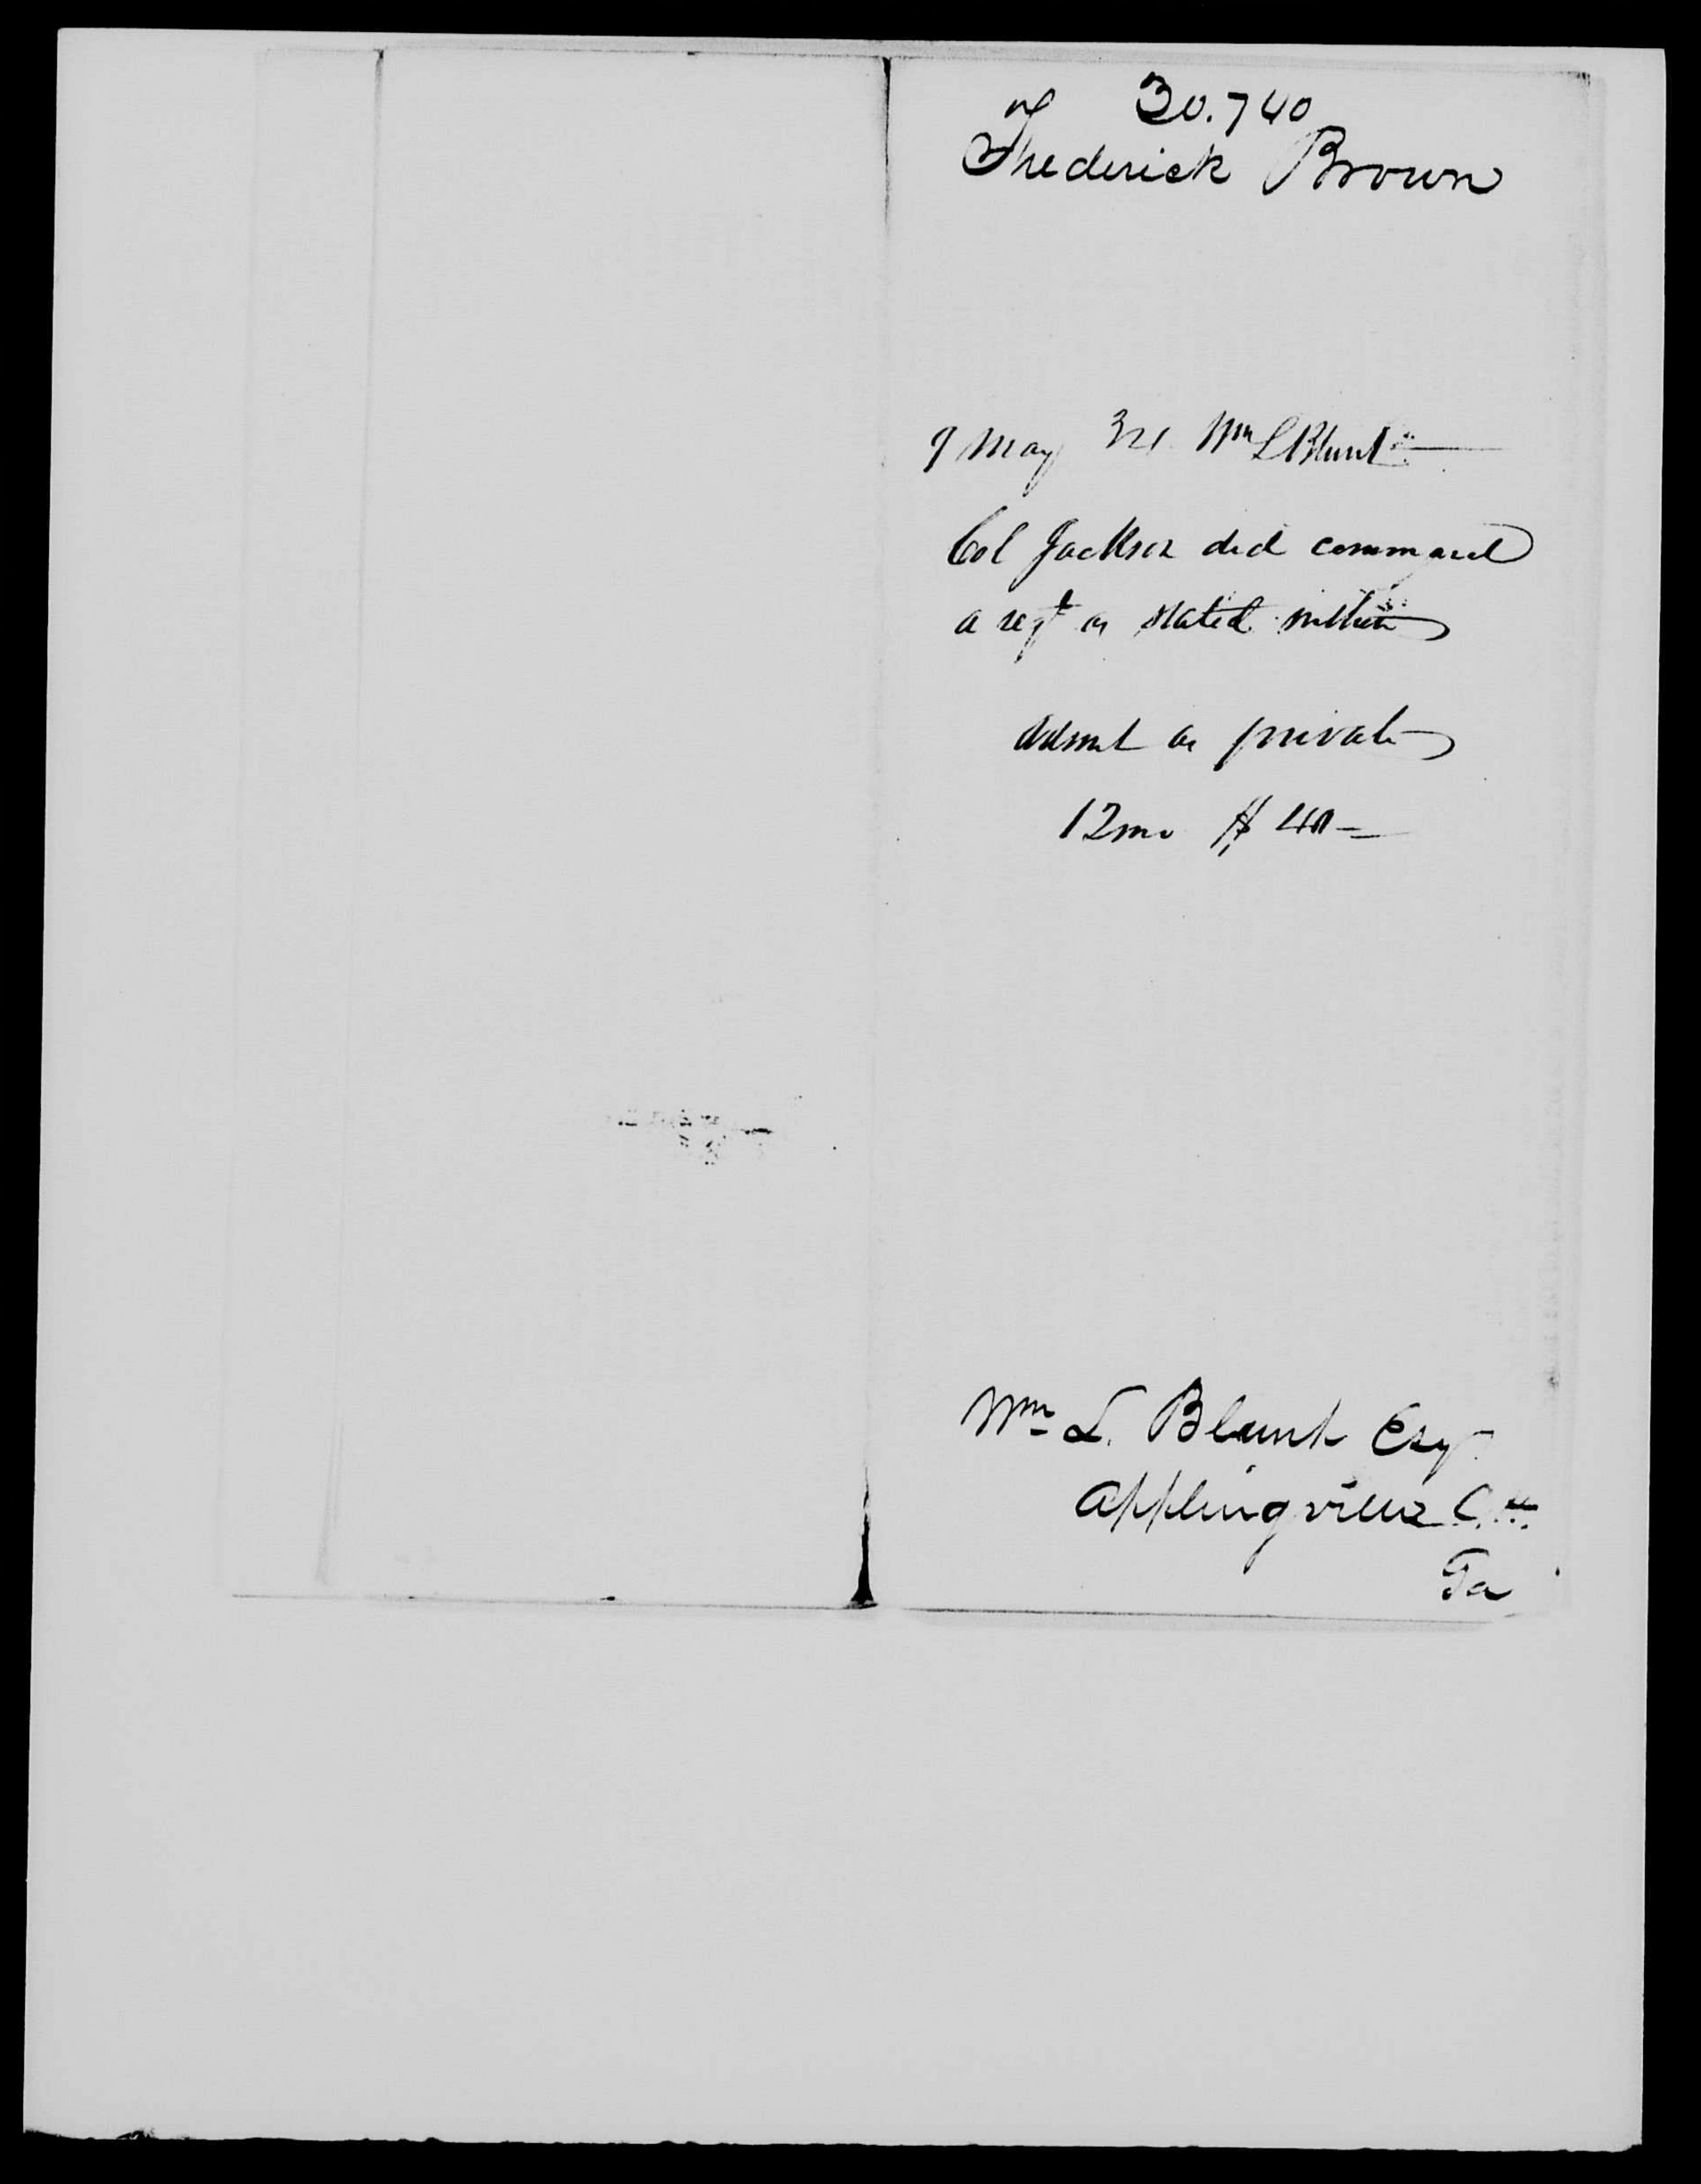30.740
Frederick Brown

7 May 21 Wm L Blunt
Col Jackson did command a sgt in stated militia

[illegible] by private
12 mos H 4A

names: Frederick Brown, Wm L Blunt, Jackson, Wm L Blunt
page: 8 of 11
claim: survivor's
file: S. 31,576, Frederick Brown, Ga.